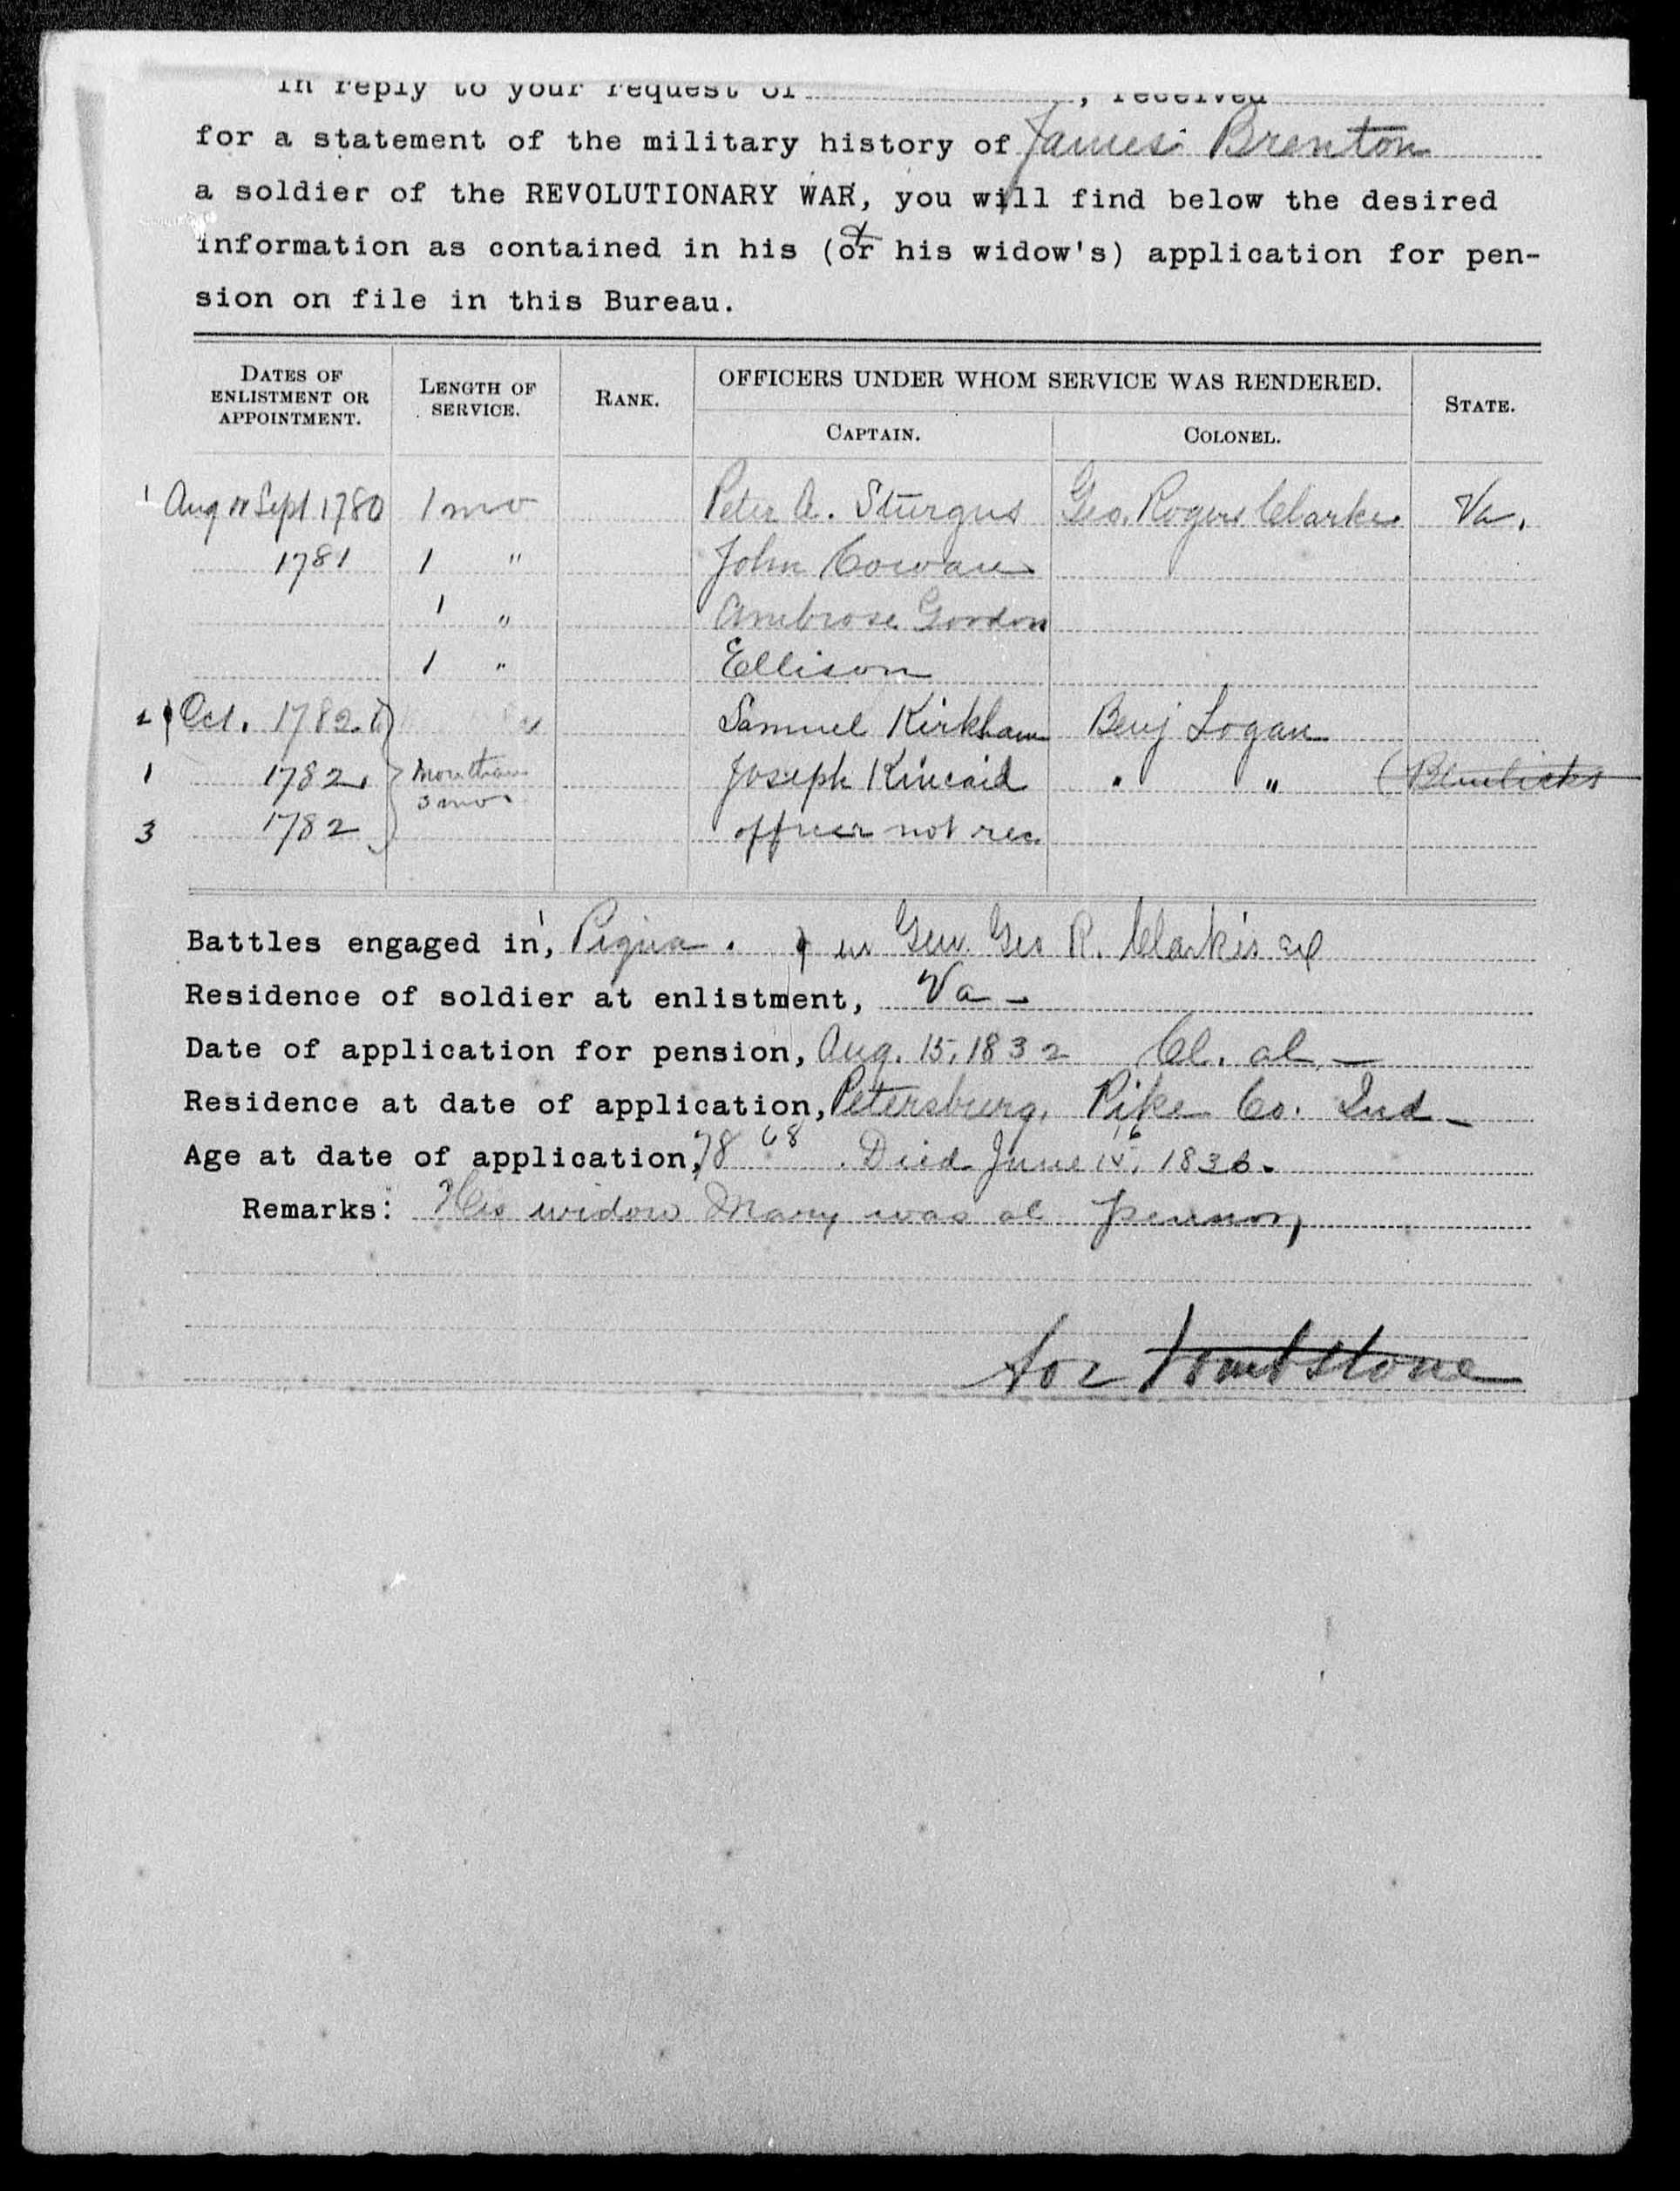In reply to your request of ---, received --- for a statement of the military history of James Brenton a soldier of the Revolutionary War, you will find below the desired information as contained in his & his widow's application for pension on file in this Bureau.
[ The following categories were filled out as follows: Dates of Enlistment or Appointment. Length of Service. Rank. Officers under whom service was rendered. Captain. Colonel. State [all service was from Va.]
Aug or Sept 1780 1 mo. Capt Peter A Sturgus, Col. Geo Rogers Clarke Va
1781 1 mo Capt John Cowan
1781  1 mo Capt Ambrose Gordon
1781 1 mo Capt Ellison
Oct 1782, Capt Samuel Kirkham, Col. Benj Logan
1782 Capt Joseph Kincaid Col Benj Logan
1782 Officer not rec. [total engagement more than three months in 1782]

Battles engaged in, Piqua w Gen Geo R Clark's 
Residence of soldier at enlistment, Va.
Date of application for pension, Aug 15, 1832 Cl. adm. [claim admitted?]
Residence at date of application, Petersburgh, Pike Co. Ind.
Age at date of application, 78. Died June 14, 1836.
Remarks: His widow Mary was at pension.
for Trout Stone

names: Ambrose Gordon, Samuel Kirkham, Geo Rogers Clarke, Mary, Benj Logan, Joseph Kincaid, Geo R Clarke, Ellison, Peter A Sturgus, James Brenton, John Cowan, Trout Stone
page: 49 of 49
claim: widow's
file: W. 2518, James Brenton, Va.